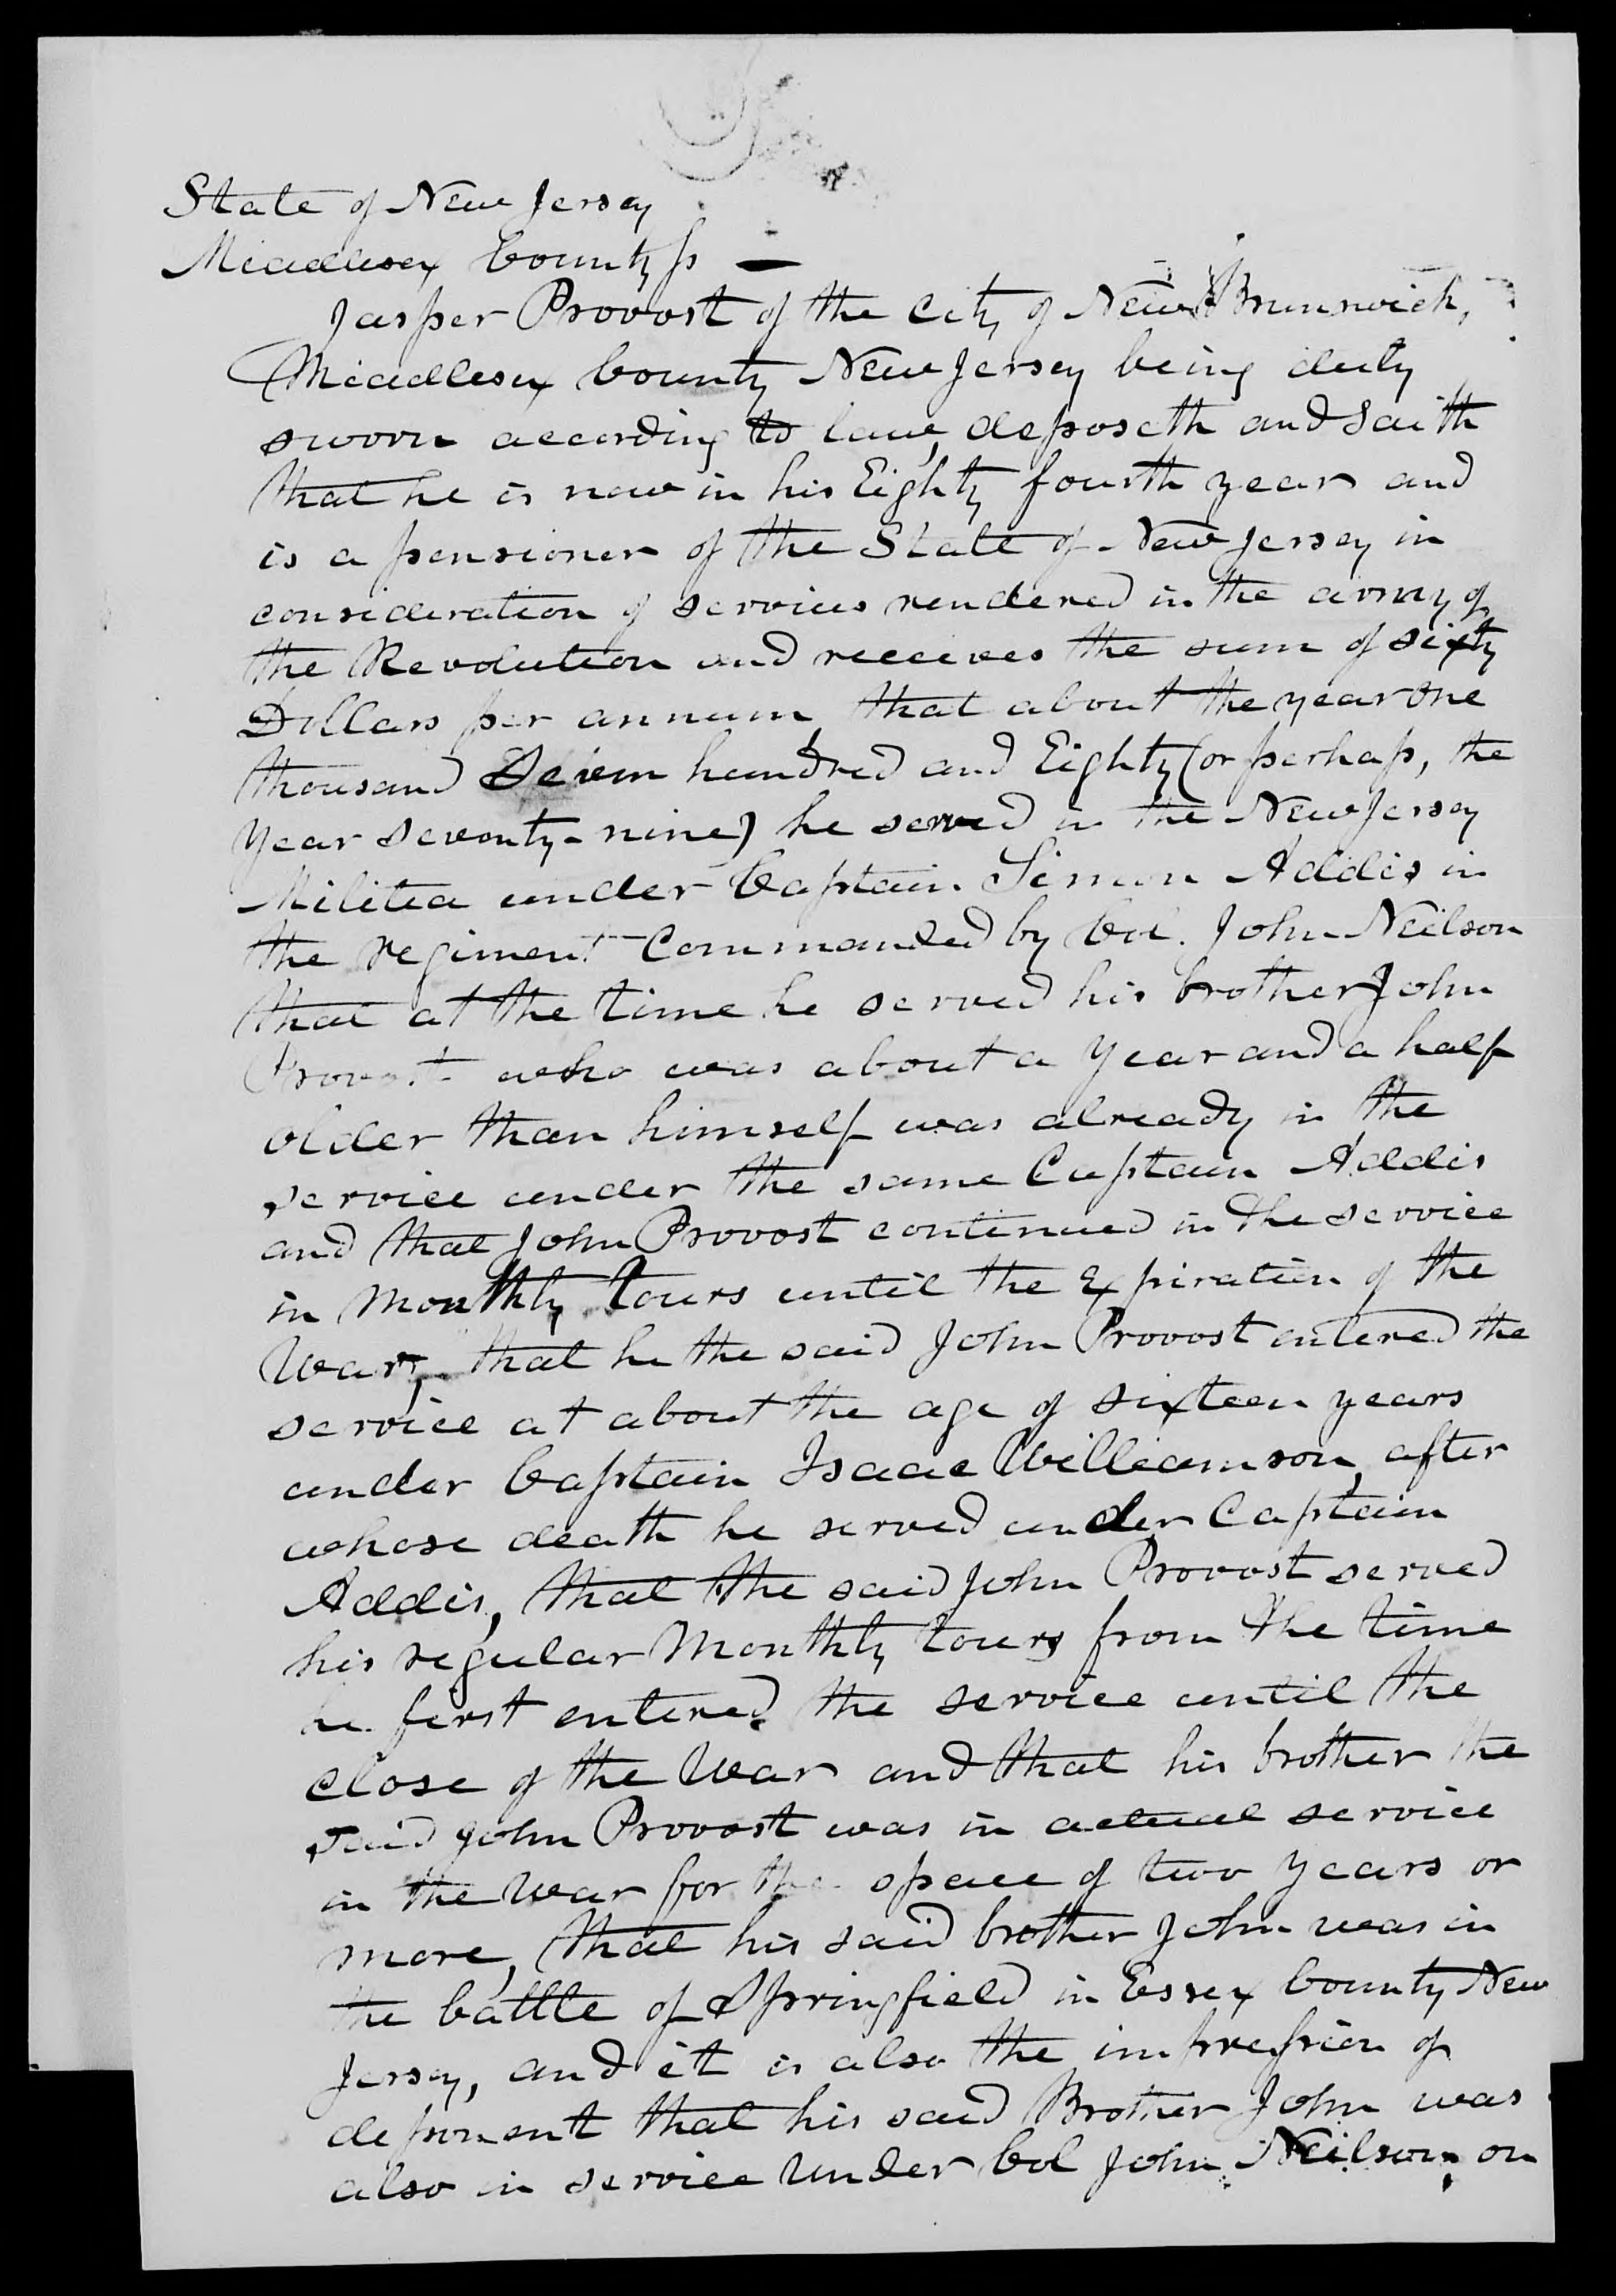State of New Jersey 
Middlesex County Jasper Provoost of the City of New Brunswick, Middlesex County New Jersey being duly sworn according to law deposeth and saith that he is now in his Eighty fourth year and is a pensioner of the State of New Jersey in consideration of services rendered in the army of the Revolution and receives the sum of sixty Dollars per annum that about the year one thousand Seven hundred and Eighty (or, perhap, the year seventy-nine) he served in the New Jersey Militia under Captain Simon Addis in the regiment Commanded by Col. John Neilson that at the time he served his brother John Provoost who was about a year and a half older than himself was already in the service under the same Captain Addis and that John Provoost continued in the service in Monthly tours until the expiration of the war, that he the said John Provoost entered the service at about the age of sixteen years under Captain Isaac Williamson after whose death he served under Captain Addis, that the said John Provoost served his regular Monthly tours from the time he first entered the service until the until the close of the war and that his brother the said John Provoost was in actual service in the war for the space of two years or more, that his said brother John was in the battle of Springfield in Essex County New Jersey, and it is also the impression of deponent that his said Brother John was also in service under Col. John Neilson on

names: Simeon Addis; John Provost; Jasper Provost; Isaac Williamson; John Neilson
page: 12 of 19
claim: rejected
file: R. 8454, for John Provoost, New Jersey